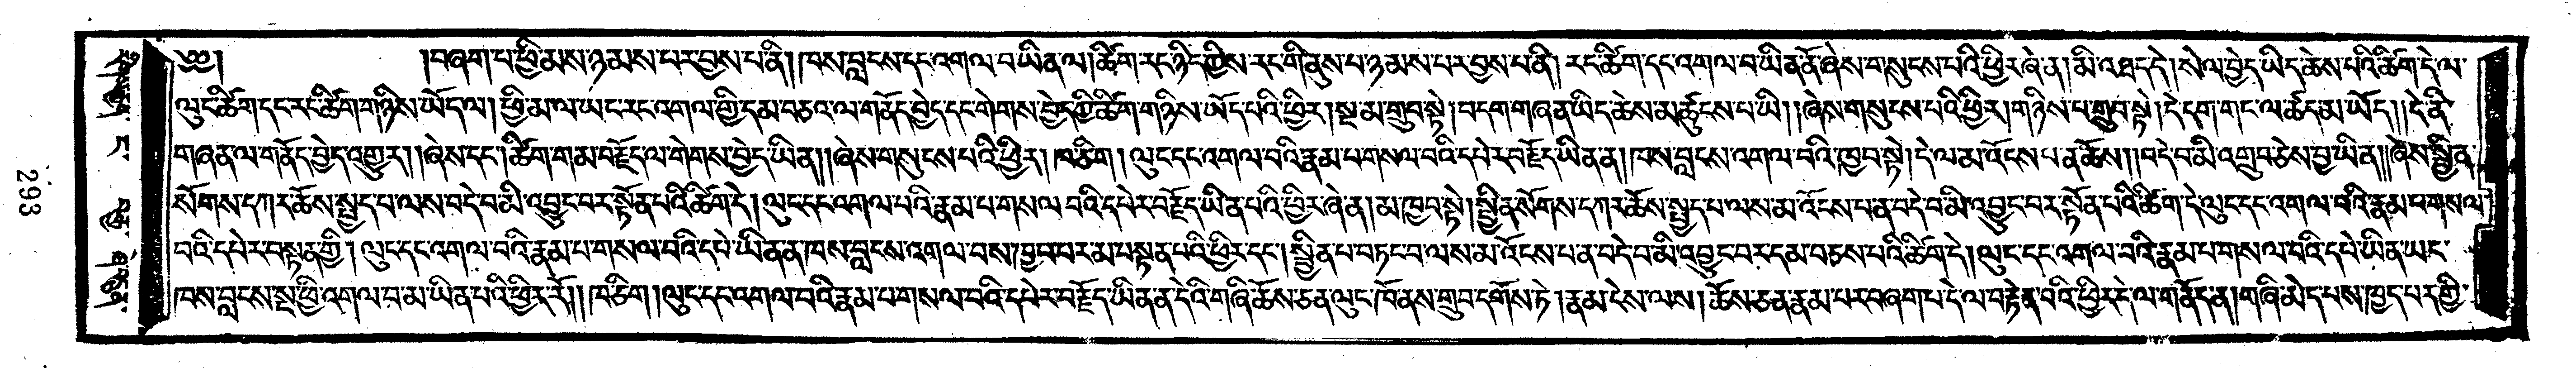༄༅། །བཞག་པ་ཕྱི་མས་ཉམས་པར་བྱས་པ་ནི། ཁས་བླངས་དང་འགལ་བ་ཡིན་ལ། ཚིག་རང་ཉིད་ཀྱིས་རང་གི་ནུས་པ་ཉམས་པར་བྱས་པ་ནི། རང་ཚིག་དང་འགལ་བ་ཡིན་ནོ་ཞེས་གསུངས་པའི་ཕྱིར་ཞེ་ན། མི་འཐད་དེ། སེལ་བྱེད་ཡིད་ཆེས་པའི་ཚིག་དེ་ལ་
ལུང་ཚིག་དང་རང་ཚིག་གཉིས་ཡོད་ལ། ཕྱི་མ་ལ་ཡང་རང་འགལ་གྱི་དམ་བཅའ་ལ་གནོད་བྱེད་དང་གེགས་བྱེད་ཀྱི་ཚིག་གཉིས་ཡོད་པའི་ཕྱིར། སྔ་མ་གྲུབ་སྟེ། བདག་གཞན་ཡིད་ཆེས་མཚུངས་པ་ཡི། །ཞེས་གསུངས་པའི་ཕྱིར། གཉིས་པ་གྲུབ་སྟེ། དེ་དག་གང་ལ་ཚད་མ་ཡོད། །དེ་ནི་
གཞན་ལ་གནོད་བྱེད་འགྱུར། །ཞེས་དང་། ཚིག་གམ་བརྗོད་ལ་གེགས་བྱེད་ཡིན། །ཞེས་གསུངས་པའི་ཕྱིར། ཁ་ཅིག ། ལུང་དང་འགལ་བའི་རྣམ་པ་གསལ་བའི་དཔེར་བརྗོད་ཡིན་ན། ཁས་བླངས་འགལ་བའི་ཁྱབ་སྟེ། དེ་ལ་མ་འོངས་པ་ན་ཆོས། །བདེ་བ་མི་འགྲུབ་ཅེས་བྱ་ཡིན། །ཞེས་སྦྱིན་
སོགས་དཀར་ཆོས་སྤྱད་པ་ལས་བདེ་བ་མི་འབྱུང་བར་སྟོན་པའི་ཚིག་དེ། ལུང་དང་འགལ་བའི་རྣམ་པ་གསལ་བའི་དཔེར་བརྗོད་ཡིན་པའི་ཕྱིར་ཞེ་ན། མ་ཁྱབ་སྟེ། སྦྱིན་སོགས་དཀར་ཆོས་སྤྱད་པ་ལས་མ་འོངས་པ་ན་བདེ་བ་མི་འབྱུང་བར་སྟོན་པའི་ཚིག་དེ་ལུང་དང་འགལ་བའི་རྣམ་པ་གསལ་
བའི་དཔེར་བསྟན་གྱི། ལུང་དང་འགལ་བའི་རྣམ་པ་གསལ་བའི་དཔེ་ཡིན་ན་ཁས་བླངས་འགལ་བས་ཁྱབ་པར་མ་བསྟན་པའི་ཕྱིར་དང་། སྦྱིན་པ་བཏང་བ་ལས་མ་འོངས་པ་ན་བདེ་བ་མ་འབྱུང་བར་དམ་བཅས་པའི་ཚིག་དེ། ལུང་དང་འགལ་བའི་རྣམ་པ་གསལ་བའི་དཔེ་ཡིན་ཡང་
ཁས་བླངས་སྔ་ཕྱི་འགལ་བ་མ་ཡིན་པའི་ཕྱིར་རོ། །ཁ་ཅིག ། ལུང་དང་འགལ་བའི་རྣམ་པ་གསལ་བའི་དཔེར་བརྗོད་ཡིན་ན་དེའི་གཞི་ཆོས་ཅན་ལུང་ཁོ་ནས་གྲུབ་དགོས་ཏེ། རྣམ་ངེས་ལས། ཆོས་ཅན་རྣམ་པར་བཞག་པ་དེ་ལ་བརྟེན་པའི་ཕྱིར་དེ་ལ་གནོད་ན། གཞི་མེད་པས་ཁྱད་པར་གྱི་